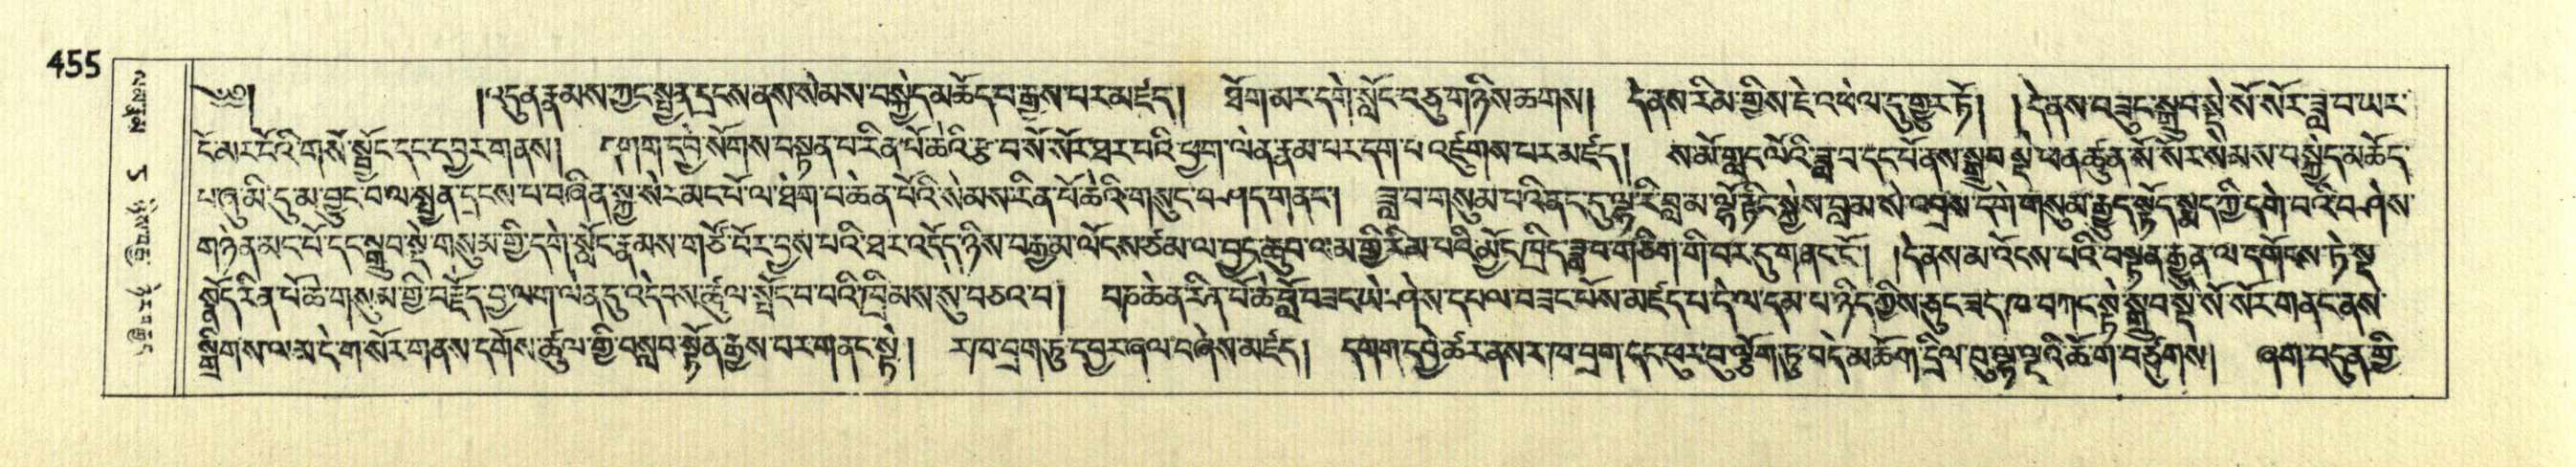༄༅། །འདུན་རྣམས་ཀྱང་སྤྱན་དྲངས་ནས་སེམས་བསྐྱེད་མཆོད་བ་རྒྱས་པར་མཛད། ཐོག་མར་དགེ་སློང་བཅུ་གཉིས་ཆགས། དེ་ནས་རིམ་གྱིས་ཇེ་འཕེལ་དུ་གྱུར་ཏོ། །དེ་ནས་བཟུང་སྒྲུབ་སྡེ་སོ་སོར་ཟླ་བ་ཡར་
ངོ་མར་ངོའི་གསོ་སྦྱོང་དང་དབྱར་གནས། དགག་དབྱེ་སོགས་བསྟན་པ་རིན་པོ་ཆེའི་རྩ་བ་སོ་སོར་ཐར་པའི་ཕྱག་ལེན་རྣམ་པར་དག་པ་འཛུགས་པར་མཛད། ས་མོ་གླང་ལོའི་ཟླ་པ་དང་པོ་ནས་སྒྲུབ་སྡེ་ཕན་ཚུན་སོ་སོར་སེམས་བསྐྱེད་མཆོད་
པ་ཞུ་མི་དུ་མ་བྱུང་བ་ལ་སྤྱན་དྲངས་པ་བཞིན་སྐྱ་སེར་མང་པོ་ལ་ཐེག་པ་ཆེན་པོའི་སེམས་རིན་པོ་ཆེའི་གསུང་བཤད་གནང་། ཟླ་བ་གསུམ་པའི་ནང་དུ་ལྷ་རི་བླ་མ་ལྷོ་རྟིང་སྐྱེས་བླ་མ་སེ་འབྲས་དགེ་གསུམ་རྒྱུད་སྟོད་སྨད་ཀྱི་དགེ་བའི་བཤེས་
གཉེན་མང་པོ་དང་སྒྲུབ་སྡེ་གསུམ་གྱི་དགེ་སློང་རྣམས་གཙོ་བོར་བྱས་པའི་ཐར་འདོད་ཉིས་བརྒྱ་མ་ལོངས་ཙམ་ལ་བྱང་ཆུབ་ལམ་གྱི་རིམ་པའི་མྱོང་ཁྲིད་ཟླ་བ་གཅིག་གི་བར་དུ་གནང་ངོ། །དེ་ནས་མ་འོངས་པའི་བསྟན་རྒྱུན་ལ་དགོངས་ཏེ་སྔ་
སྣོད་རིན་པོ་ཆེ་གསུམ་གྱི་བརྗོད་བྱ་ལག་ལེན་དུ་འདེབས་ཚུལ་སྤོང་བའི་ཁྲིམས་སུ་བཅའ་བ། པཎ་ཆེན་རིན་པོ་ཆེ་བློ་བཟང་ཡེ་ཤེས་དཔལ་བཟང་པོས་མཛད་པ་དེ་ལ་དམ་པ་ཉིད་ཀྱིས་ཅུང་ཟད་ཁ་བཀང་སྟེ་སྒྲུབ་སྡེ་སོ་སོར་གནང་ནས་
སྒྲིགས་ལམ་དེ་ག་སོར་གནས་དགོས་ཚུལ་གྱི་བསླབ་སྟོན་རྒྱས་པར་གནང་སྟེ། ར་ཁ་བྲག་ཏུ་དབྱར་ཞལ་བཞེས་མཛད། དགག་དབྱེ་ཚར་ནས་ར་ཁ་བྲག་དང་ཕུར་བུ་ལྕོག་ཏུ་བདེ་མཆོག་དྲིལ་བུ་ལྷ་ལྔའི་ཆོ་ག་བཙུགས། ཞག་བདུན་གྱི་